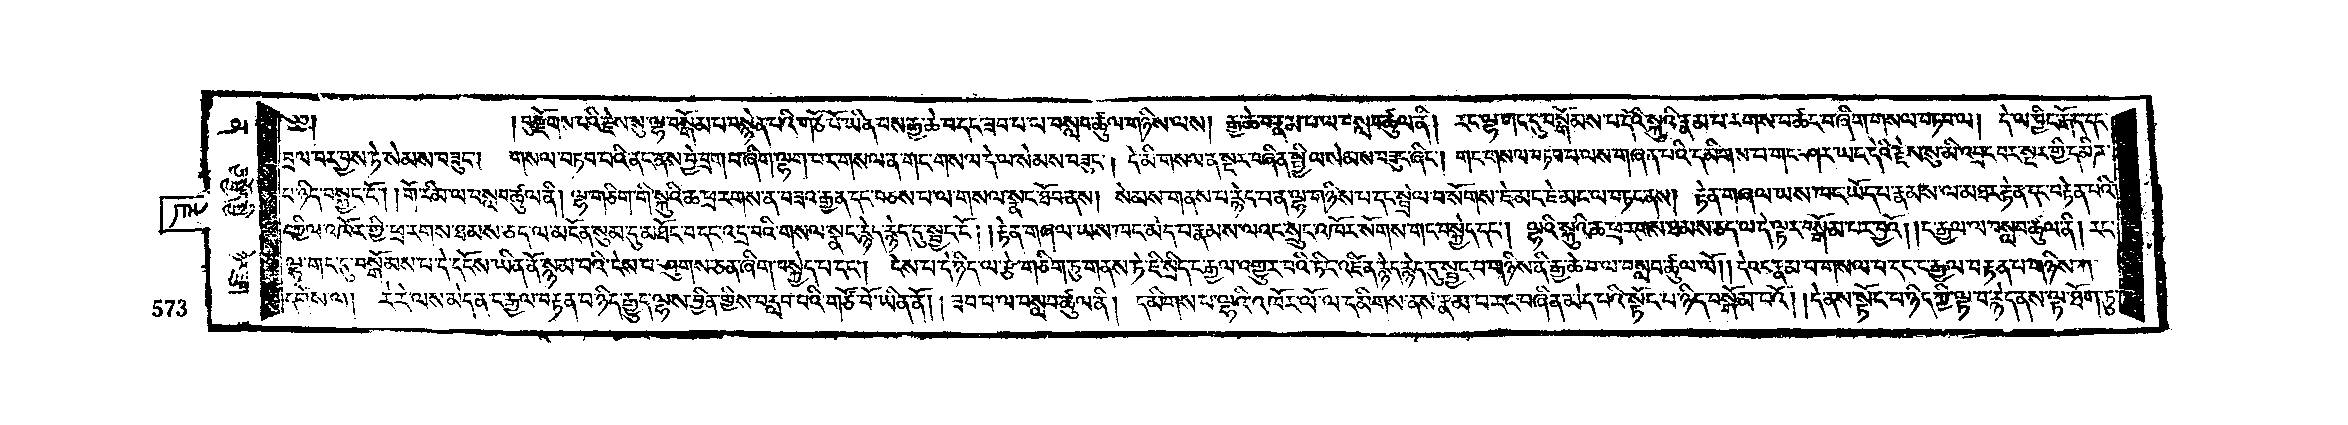༄༅། །བུ་རྫོགས་པའི་རྗེས་སུ་ལྷ་བསྒོམ་པ་བསྙེན་པའི་གཙོ་བོ་ཡིན་པས་རྒྱ་ཆེ་བ་དང་ཟབ་པ་ལ་བསླབ་ཚུལ་གཉིས་ལས། རྒྱ་ཆེ་བ་རྣམ་པ་ལ་བསླབ་ཚུལ་ནི། རང་ལྷ་གང་དུ་བསྒོམས་པ་དེའི་སྐུའི་རྣམ་པ་རགས་པ་ཚང་བ་ཞིག་གསལ་བཏབ་ལ། དེ་ལ་བྱིང་རྒོད་དང་
བྲལ་བར་བྱས་ཏེ་སེམས་བཟུང་། གསལ་བཏབ་པའི་ནང་ནས་བྱེ་བྲག་པ་ཞིག་ལྷག་པར་གསལ་ན་གང་གསལ་དེ་ལ་སེམས་བཟུང་། དེ་མི་གསལ་ན་སྔར་བཞིན་སྤྱི་ལ་སེམས་བཟུང་ཞིང་། གང་གསལ་བཏབ་པ་ལས་གཞན་པའི་དམིགས་པ་གང་ཤར་ཡང་དེའི་རྗེས་སུ་མི་འབྲང་བར་སྔར་གྱི་དམིགས་
པ་ཉིད་བསྐྱང་ངོ། གོ་རིམ་པ་བསླབ་ཚུལ་ནི། ལྷ་གཅིག་གི་སྐུའི་ཆ་ཕྲ་རགས་ན་བཟའ་རྒྱན་དང་བཅས་པ་ལ་གསལ་སྣང་ཐོབ་ནས། སེམས་གནས་པ་རྙེད་པ་ན་ལྷ་གཉིས་པ་དང་སྦྲེལ་པ་སོགས་ཇེ་མ་ཇེ་མང་ལ་བཏང་ནས། རྟེན་གཞལ་ཡས་ཁང་ཡོད་པ་རྣམས་ལ་མཐར་རྟེན་དང་བརྟེན་པའི་
དཀྱིལ་འཁོར་གྱི་ཕྲ་རགས་ཐམས་ཅད་ལ་མངོན་སུམ་དུ་མཐོང་བ་དང་འདྲ་བའི་གསལ་སྣང་རྙེད་རྙེད་དུ་སྦྱང་ངོ། །རྟེན་གཞལ་ཡས་ཁང་མེད་པ་རྣམས་ལའང་སྲུང་འཁོར་སོགས་གང་བསྐྱེད་དང་། ལྷའི་སྐུའི་ཆ་ཕྲ་རགས་ཐམས་ཅད་ལ་དེ་ལྟར་བསྒོམ་པར་བྱའོ། །ང་རྒྱལ་ལ་བསླབ་ཚུལ་ནི། རང་
ལྷ་གང་དུ་བསྒོམས་པ་དེ་དངོས་ཡིན་ནོ་སྙམ་པའི་ངེས་པ་ཤུགས་ཅན་ཞིག་བསྐྱེད་པ་དང་། ངེས་པ་དེ་ཉིད་ལ་རྩེ་གཅིག་ཏུ་གནས་ཏེ་ཇི་སྲིད་དང་ང་རྒྱལ་འགྱུར་བའི་ཏིང་འཛིན་རྙེད་རྙེད་དུ་སྦྱང་བ་གཉིས་ནི་རྒྱ་ཆེ་བ་ལ་བསླབ་ཚུལ་ལོ། །དེའང་རྣམ་པ་གསལ་བ་དང་ང་རྒྱལ་བརྟེན་པ་གཉིས་ཀ་
དགོས་ལ། རེ་རེ་ལས་མེད་ན་ང་རྒྱལ་བརྟན་པ་ཉིད་རྒྱུད་ལྷས་བྱིན་གྱིས་བརླབ་པའི་གཙོ་བོ་ཡིན་ནོ། །ཟབ་པ་ལ་བསླབ་ཚུལ་ནི། དམིགས་པ་ལྷའི་འཁོར་ལོ་ལ་དམིགས་ནས་རྣམ་པ་རང་བཞིན་མེད་པའི་སྟོང་པ་ཉིད་བསྒོམ་པའོ། །དེ་ནས་སྟོང་པ་ཉིད་ཀྱི་ལྟ་བ་རྙེད་ནས་ལྟ་ཐོག་ཏུ་